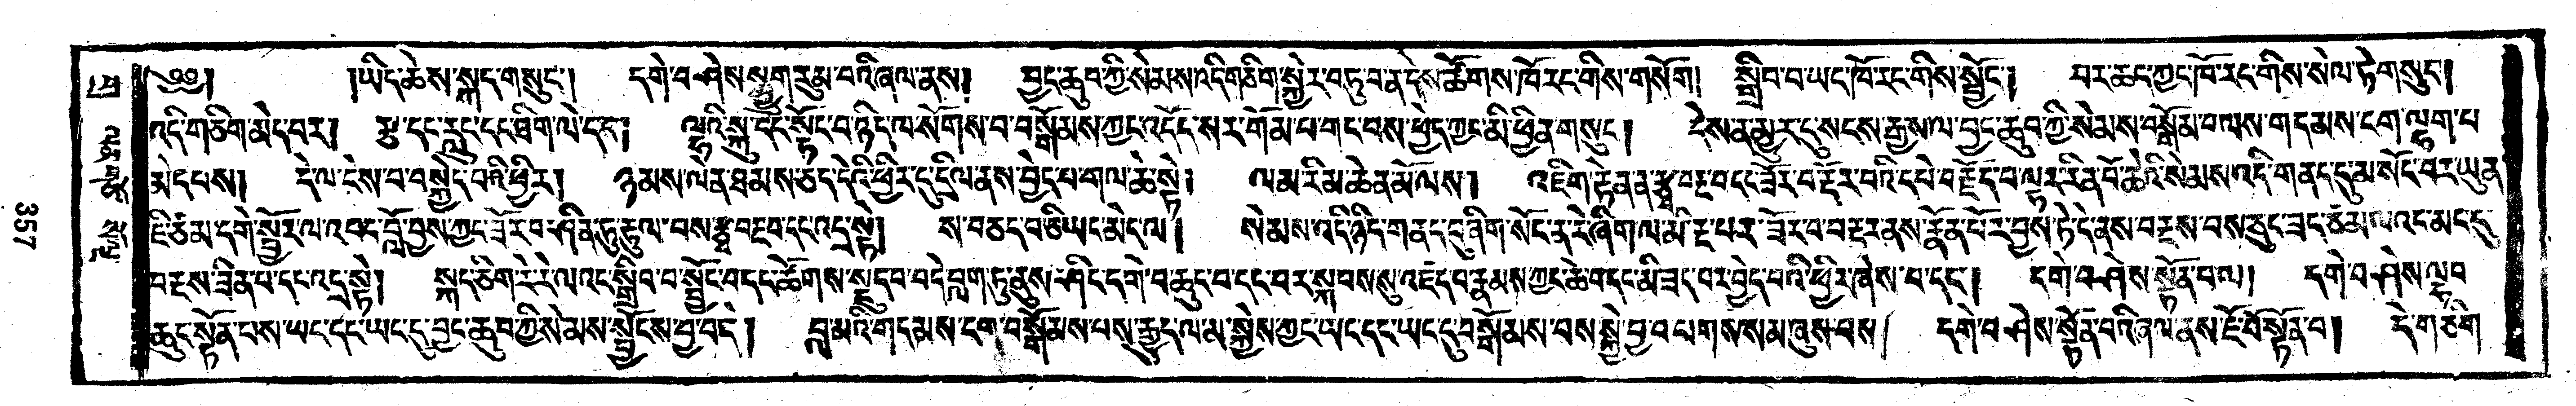༄༅། །ཡིད་ཆེས་སྐད་གསུང་། དགེ་བཤེས་སྨྱུག་རུམ་བའི་ཞལ་ནས། བྱང་ཆུབ་ཀྱི་སེམས་འདི་གཅིག་སྐྱེར་བཏུ་བ་ན་དེས་ཚོགས་ཁོ་རང་གིས་གསོག། སྒྲིབ་བ་ཡང་ཁོ་རང་གིས་སྦྱོང་། བར་ཆད་ཀྱང་ཁོ་རང་གིས་སེལ་ཏེ་གསུང་།
འདི་གཅིག་མེད་པར། རྩ་དང་རླུང་དང་ཐིག་ལེ་དང་། ལྷའི་སྐུ་དང་སྟོང་བ་ཉིད་ལ་སོགས་བ་བསྒོམས་ཀྱང་འདོད་སར་གོམ་པ་གང་བས་ཕྱེད་ཀྱང་མི་ཕྱིན་གསུང་། དེས་ན་མྱུར་དུ་སངས་རྒྱས་ལ་བྱང་ཆུབ་ཀྱི་སེམས་བསྒོམ་བ་ལས་གདམས་ངག་ལྷག་པ་
མེད་པས། དེ་ལ་ངེས་བ་བསྐྱེད་བའི་ཕྱིར། ཉམས་ལེན་ཐམས་ཅད་དེའི་ཕྱིར་དུ་དྲིལ་ནས་བྱེད་པ་གལ་ཆེ་སྟེ། ལམ་རིམ་ཆེན་མོ་ལས། འཇིག་རྟེན་ན་རྩྭ་བརྔ་བ་དང་ཟོར་བ་རྡོར་བའི་དཔེ་བརྗོད་པ་ལྟར་རིན་པོ་ཆེའི་སེམས་འདི་གནང་དུ་མ་སོང་བར་ཡུན་
ཇི་ཙམ་དགེ་སྦྱོར་ལ་འབང་བློ་བྱས་ཀྱང་ཟོར་བ་ཤིན་ཏུ་རྟུལ་བས་རྩྭ་བརྔབ་དང་འདྲ་སྟེ། ས་བཅད་པ་ཅི་ཡང་མེད་ལ། སེམས་འདི་ཉིད་གནད་བུ་ཞིག་སོང་ན་རེ་ཞིག་ལ་མི་རྔ་པར་ཟོར་བ་བརྡར་ནས་རྣོན་པོར་བྱས་ཏེ་དེ་ནས་བརྡས་བས་ཅུང་ཟད་ཙམ་ལའང་མང་དུ་
བརྔས་ཟིན་པ་དང་འདྲ་སྟེ། སྐད་ཅིག་རེ་རེ་ལའང་སྒྲིབ་པ་སྦྱོང་བ་དང་ཚོགས་སྡུད་བ་བདེ་བླག་ཏུ་ནུས་ཤིང་དགེ་བ་ཆུང་བ་དང་བར་སྐབས་སུ་འཛད་བ་རྣམས་ཀྱང་ཆེ་བ་དང་མི་ཟད་བར་བྱེད་པའི་ཕྱིར་ཞེས་པ་དང་། དགེ་བཤེས་སྟོན་པ་ལ། དགེ་བཤེས་ལྷབ་
ཆུང་སྟོན་པས་ཡང་དང་ཡང་དུ་བྱང་ཆུབ་ཀྱི་སེམས་སྦྱོངས་བྱ་བདེ། བླ་མའི་གདམས་ངག་བསྒོམས་པས་རྒྱུད་ལམ་སྐྱེས་ཀྱང་ཡང་དང་ཡང་དུ་བསྒོམས་བས་སྐྱེ་བྱ་བ་པགས་སམ་ཞུས་བས། དགེ་བཤེས་སྟོན་བའི་ཞལ་ནས་ཇོ་བོ་སྟོན་བ། དེ་གཅིག་